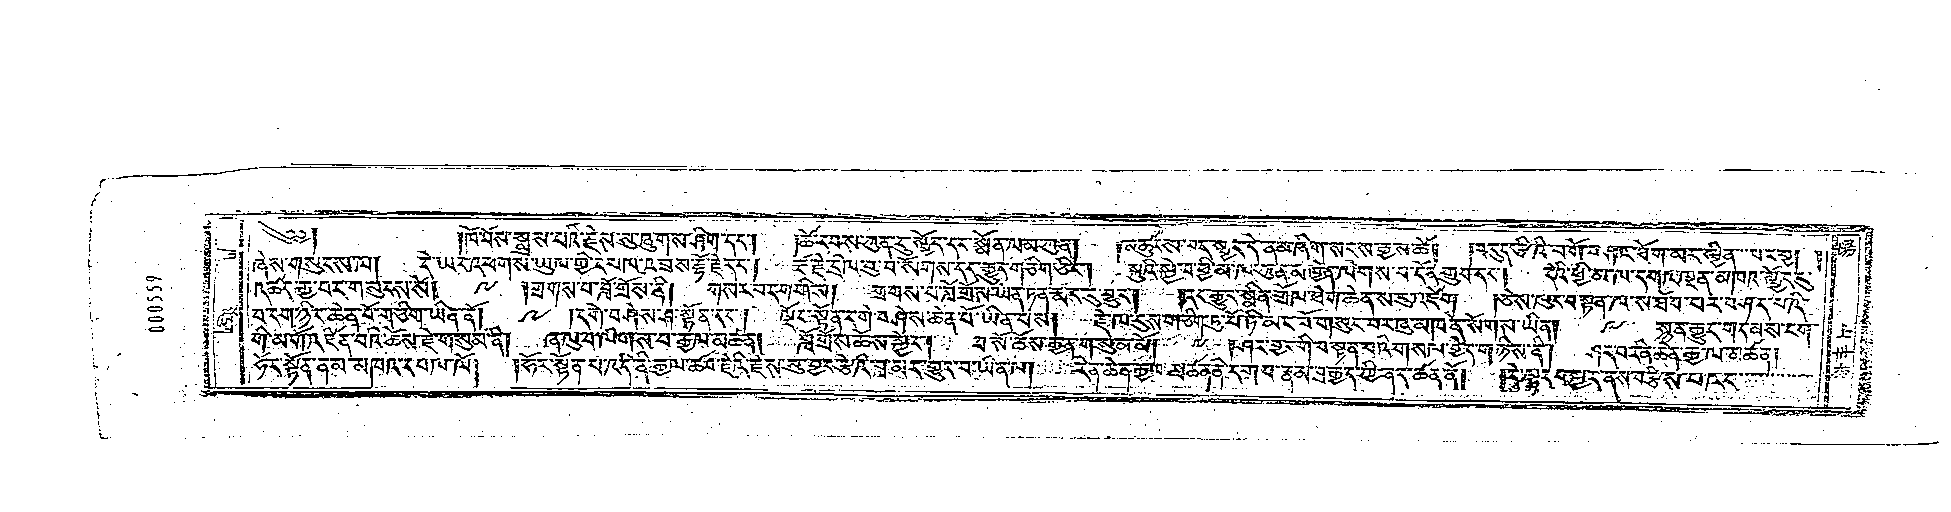༄༅། །ཁོ་བོས་སྨྲས་པའི་རྗེས་སུ་ཞུགས་ཤིག་དང་། །ཚེ་རབས་ཀུན་དུ་སྤྱོད་དང་སྨོན་ལམ་ཀུན། །མཚུངས་པར་སྤྱད་དེ་ནམ་ཞིག་སངས་རྒྱས་ཚེ། །བདུད་རྩིའི་བགོ་བཤའ་ཐོག་མར་སྤྱིན་པར་བྱ། །
ཞེས་གསུངས་ལ། དེ་ཡང་འཕགས་ཡུལ་གྱི་དཔལ་འབྲས་རྡོ་རྗེ་དང་། རྡོ་རྗེ་དྲིལ་བུ་བ་སོགས་དང་རྒྱུད་གཅིག་ཅིང་། སྐུའི་སྐྱེ་བ་ཕྱི་མ་ལ་ཀུན་མཁྱེན་ལེགས་པ་དོན་གྲུབ་དང་། དེའི་ཕྱི་མ་ལ་དགའ་ལྡན་མཁའ་སྤྱོད་དུ་
འཚང་རྒྱ་བར་གསུངས་སོ། ༧་།གྲགས་པ་བློ་གྲོས་ནི། གསར་བདག་གིས། གྲགས་པ་བློ་གྲོས་ཡོན་ཏན་རྨད་དུ་བྱུང་། །རང་རྒྱུད་སྨིན་གྲོལ་ཐེག་ཆེན་ས་རུ་འཇོག །ཅེས་ལུང་བསྟན་ལ་ས་ཐོབ་པར་བཤད་པའི་
བདག་ཉིད་ཆེན་པོ་གཅིག་ཡིན་ནོ། ༧་།དགེ་བཤེས་ཤ་སྟོན་དང་། ལྡོང་སྟོན་དགེ་བཤེས་ཆེན་པོ་ཡིན་པས། རྗེ་ལ་དུས་གཅིག་ཏུ་པོ་ཏི་མང་བོ་གསུང་པར་ཞུ་མཁན་སོགས་ཡིན། ༧་སྙན་རྒྱུད་གདམས་ངག་
གི་མགོ་འཛིན་བའི་ཆོས་རྗེ་གསུམ་ནི། ཞ་ལུ་བ་ལེགས་བ་རྒྱལ་མཚན། བློ་གྲོས་ཆོས་སྐྱོང་། བསོ་ཆོས་རྒྱན་གསུམ་མོ། ༧་།ཤར་བྱང་གི་བསྟན་བའི་གསལ་བྱེད་གཉིས་ནི། ཤར་བ་རིན་ཆེན་རྒྱ་ལ་མཚན།
ཧོར་སྟོན་ནམ་མཁའ་དཔལ་ལོ། །ཧོར་སྟོན་པ་འདི་ནི་རྒྱལ་ཚབ་རྗེའི་རྗེས་སུ་བྱང་རྩེའི་བླ་མར་གྱུར་བ་ཡིན་ལ། རིན་ཆེན་རྒྱལ་མཚན་ནི་དག་བ་རྣམ་བརྒྱད་ཀྱི་ནད་ཚན་ནོ། །དེ་ལྟར་བ་སྐྱར་ནས་བརྩིས་པའང་